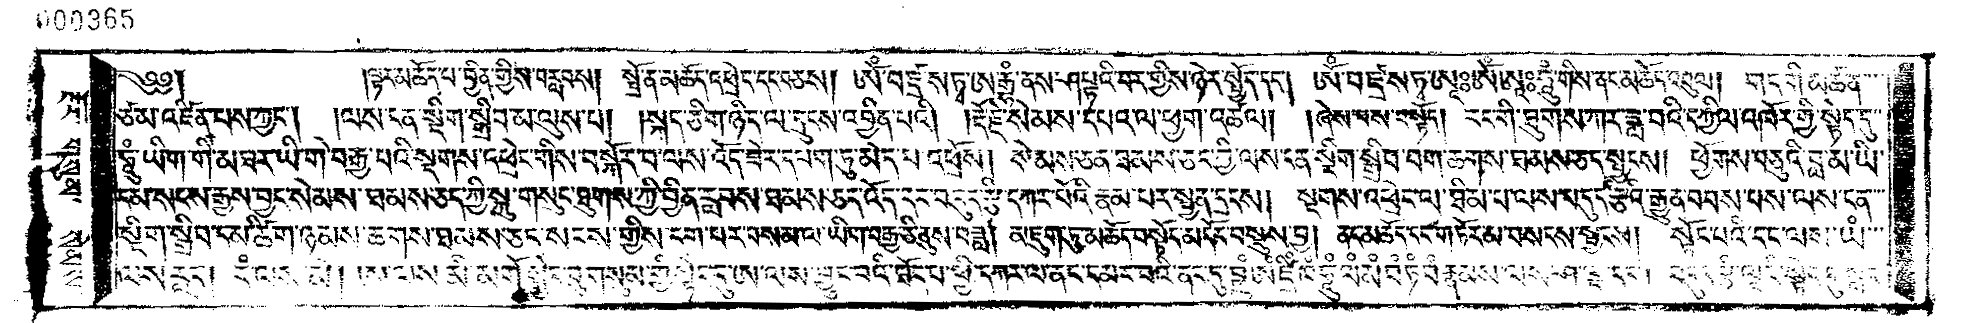༄༅། །ལྟར་མཆོད་པ་བྱིན་གྱིས་བརླབས། སྤྲོ་ན་མཆོད་འཕྲེང་དང་བཅས། ཨོཾ་བཛྲ་སཏྭ་ཨརྒྷཾ་ནས་ཤཔྟའི་བར་གྱིས་ཉེར་སྤྱོད་དང་། ཨོཾ་བཛྲ་སཏྭ་ཨཱཿ ཨོཾ་ཨཱཿ ཧཱུཾ་གིས་ནང་མཆོད་འབུལ།  གང་གི་མཚན་
ཙམ་འཛིན་པས་ཀྱང་། །ལས་ངན་སྡིག་སྒྲིབ་མ་ལུས་པ། །སྐད་ཅིག་ཉིད་ལ་དྲུངས་འབྱིན་པའི། །རྡོ་རྗེ་སེམས་དཔའ་ལ་ཕྱག་འཚལ། ། ཞེས་པས་བསྟོད།  རང་གི་ཐུགས་ཀར་ཟླ་བའི་དཀྱིལ་འཁོར་གྱི་སྟེང་དུ་
ཧཱུཾ་ཡིག་གི་མཐར་ཡི་གེ་བརྒྱ་པའི་སྔགས་འཕྲེང་གིས་བསྐོར་བ་ལས་འོད་ཟེར་དཔག་ཏུ་མེད་པ་འཕྲོས། སེམས་ཅན་ཐམས་ཅད་ཀྱི་ལས་ངན་སྡིག་སྒྲིབ་བག་ཆགས་ཐམས་ཅད་སྤྱངས། ཕྱོགས་བཅུའི་བླ་མ་ཡི་
དམ་སངས་རྒྱས་བྱང་སེམས་ཐམས་ཅད་ཀྱི་སྐུ་གསུང་ཐུགས་ཀྱི་བྱིན་རླབས་ཐམས་ཅད་འོད་དང་བདུད་རྩི་དཀར་པོའི་རྣམ་པར་སྤྱན་དྲངས། སྔགས་འཕྲེང་ལ་ཐིམ་པ་ལས་བདུད་རྩིའི་རྒྱུན་བབས་པས་ལས་ངན་
སྡིག་སྒྲིབ་དམ་ཚིག་ཉམས་ཆགས་ཐམས་ཅད་སངས་ཀྱིས་དག་པར་བསམ་ལ་ཡིག་བརྒྱ་ཅི་ནུས་བཟླ། མཇུག་ཏུ་མཆོད་བསྟོད་མདོར་བསྡུས་བྱ། ནང་མཆོད་དང་གཏོར་མ་བསངས་སྦྱངས།  སྟོང་པའི་ངང་ལས་ཡཾ་
ལས་རླུང་། རཾ་ལས་མེ། ཨ་ལས་མི་མགོ་སྐྱེད་བུ་གསུམ་གྱི་སྟེང་དུ་ཨ་ལས་བྱུང་བའི་ཐོད་པ་ཕྱི་དཀར་ལ་ནང་དམར་བའི་ནང་དུ་བྷྲུཾ་ཨཾ་ཛྲིཾ་ཁཾ་ཧཱུཾ་ལཾ་མཾ་བཾ་ཏཾ་བཾ་རྣམས་ལས་ཤ་ལྔ་དང་། བདུད་རྩི་ལྔའི་སྟེང་དུ་སླར་